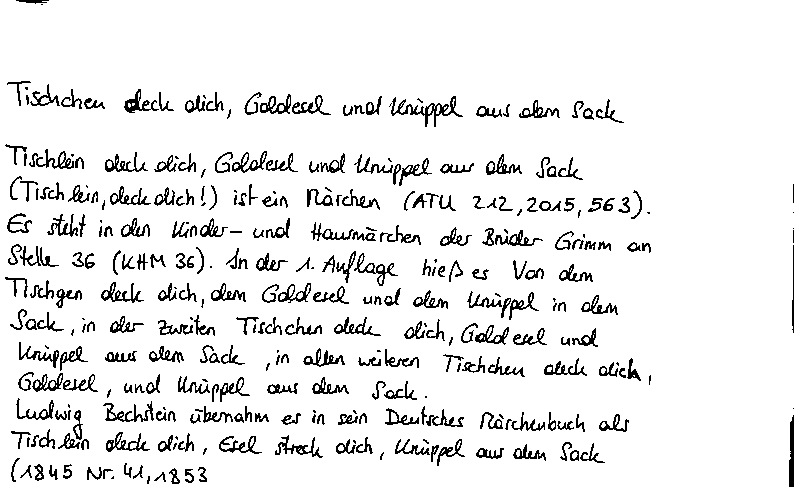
Tischlein deck dich, Goldesel und Knüppel aus dem Sack
Tischlein deck dich, Goldesel und Knüppel aus dem Sack
(Tischlein, deck dich!) ist ein Märchen (ATU 212, 2015, 563).
Es steht in den Kinder- und Hausmärchen der Brüder Grimm an
Stelle 36 (KHM 36). In der 1. Auflage hieß es Von dem
Tischgen deck dich, dem Goldesel und dem Knüppel in dem
Sack, in der zweiten Tischchen deck dich, Goldesel und
Knüppel aus dem Sack, in allen weiteren Tischchen deck dich,
Goldesel, und Knüppel aus dem Sack.
Ludwig Bechstein übernahm es in sein Deutsches Märchenbuch als
Tischlein deck dich, Esel streck dich, Knüppel aus dem Sack
(1845 Nr. 41, 1853
